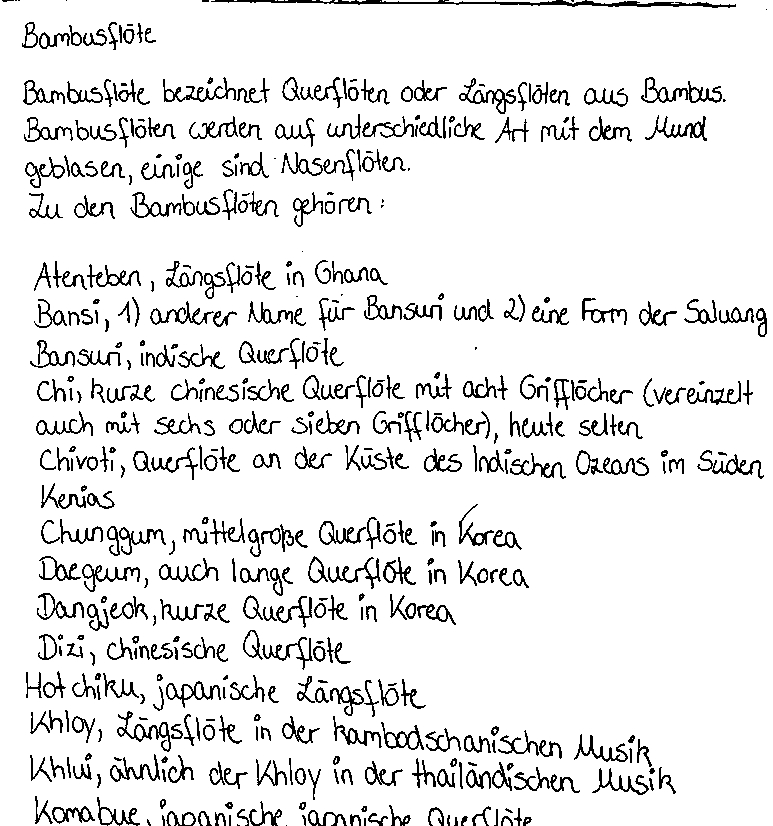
Bambusflöte
Bambusflöte bezeichnet Querflöten oder Längsflöten aus Bambus.
Bambusflöten werden auf unterschiedliche Art mit dem Mund
geblasen, einige sind Nasenflöten.
Zu den Bambusflöten gehören:
Atenteben, Längsflöte in Ghana
Bansi, 1) anderer Name für Bansuri und 2) eine Form der Saluang
Bansuri, indische Querflöte
Chi, kurze chinesische Querflöte mit acht Grifflöcher (vereinzelt
auch mit sechs oder sieben Grifflöcher), heute selten
Chivoti, Querflöte an der Küste des Indischen Ozeans im Süden
Kenias
Chunggum, mittelgroße Querflöte in Korea
Daegeum, auch lange Querflöte in Korea
Dangjeok, kurze Querflöte in Korea
Dizi, chinesische Querflöte
Hotchiku, japanische Längsflöte
Khloy, Längsflöte in der kambodschanischen Musik
Khlui, ähnlich der Khloy in der thailändischen Musik
Komabue, japanische japanische Querflöte
